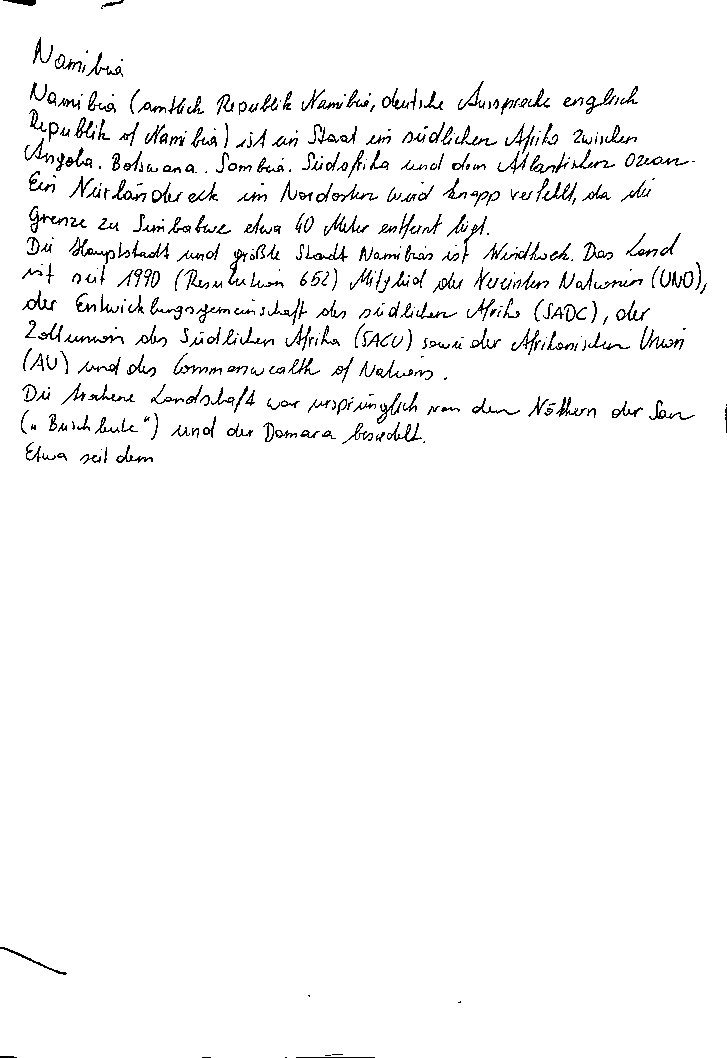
Namibia
Namibia (amtlich Republik Namibia; deutsche Aussprache englisch
Republic of Namibia) ist ein Staat im südlichen Afrika zwischen
Angola, Botswana, Sambia, Südafrika und dem Atlantischen Ozean.
Ein Vierländereck im Nordosten wird knapp verfehlt, da die
Grenze zu Simbabwe etwa 40 Meter entfernt liegt.
Die Hauptstadt und größte Stadt Namibias ist Windhoek. Das Land
ist seit 1990 (Resolution 652) Mitglied der Vereinten Nationen (UNO),
der Entwicklungsgemeinschaft des südlichen Afrika (SADC), der
Zollunion des Südlichen Afrika (SACU) sowie der Afrikanischen Union
(AU) und des Commonwealth of Nations.
Die trockene Landschaft war ursprünglich von den Völkern der San
("Buschleute") und der Damara besiedelt.
Etwa seit dem
